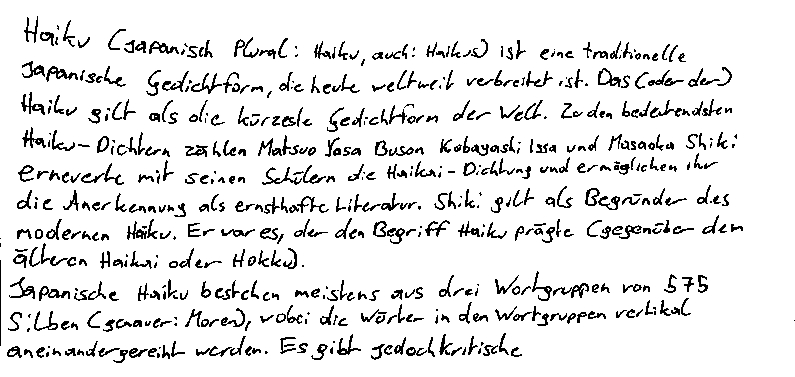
Haiku (japanisch Plural: Haiku, auch: Haikus) ist eine traditionelle
japanische Gedichtform, die heute weltweit verbreitet ist. Das (oder der)
Haiku gilt als die kürzeste Gedichtform der Welt. Zu den bedeutendsten
Haiku-Dichtern zählen Matsuo Yosa Buson Kobayashi Issa und Masaoka Shiki
erneuerte mit seinen Schülern die Haikai-Dichtung und ermöglichte ihr
die Anerkennung als ernsthafte Literatur. Shiki gilt als Begründer des
modernen Haiku. Er war es, der den Begriff Haiku prägte (gegenüber dem
älteren Haikai oder Hokku).
Japanische Haiku bestehen meistens aus drei Wortgruppen von 5 7 5
Silben (genauer: Moren), wobei die Wörter in den Wortgruppen vertikal
aneinandergereiht werden. Es gibt jedoch kritische
